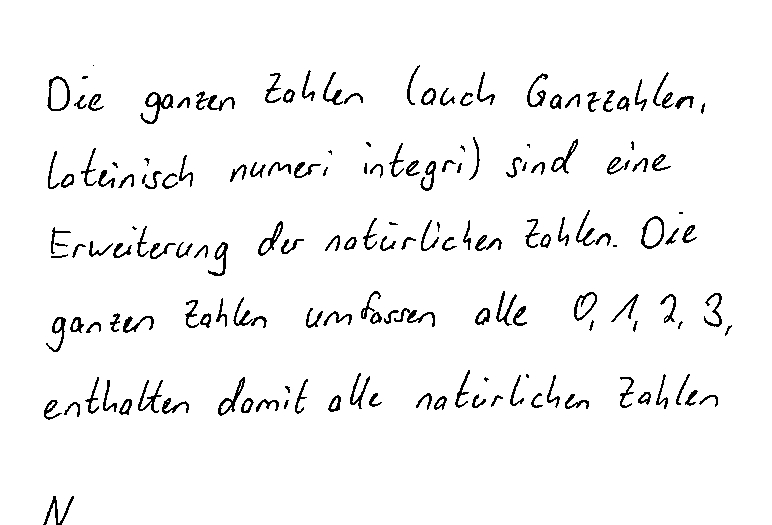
Die ganzen Zahlen (auch Ganzzahlen,
lateinisch numeri integri) sind eine
Erweiterung der natürlichen Zahlen. Die
ganzen Zahlen umfassen alle 0, 1, 2, 3,
enthalten damit alle natürlichen Zahlen
